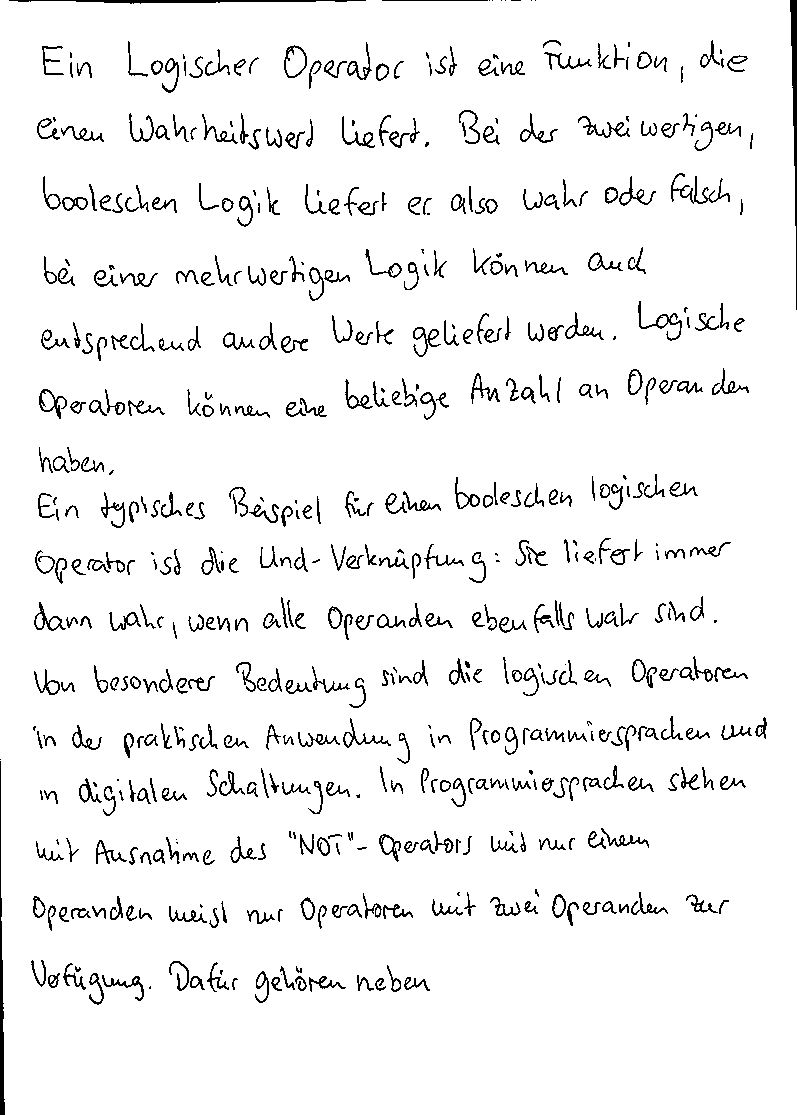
Ein Logischer Operator ist eine Funktion, die
einen Wahrheitswert liefert. Bei der zweiwertigen,
booleschen Logik liefert er also wahr oder falsch,
bei einer mehrwertigen Logik können auch
entsprechend andere Werte geliefert werden. Logische
Operatoren können eine beliebige Anzahl an Operanden
haben.
Ein typisches Beispiel für einen booleschen logischen
Operator ist die Und-Verknüpfung: Sie liefert immer
dann wahr, wenn alle Operanden ebenfalls wahr sind.
Von besonderer Bedeutung sind die logischen Operatoren
in der praktischen Anwendung in Programmiersprachen und
in digitalen Schaltungen. In Programmiersprachen stehen
mit Ausnahme des "NOT"-Operators mit nur einem
Operanden meist nur Operatoren mit zwei Operanden zur
Verfügung. Dafür gehören neben
